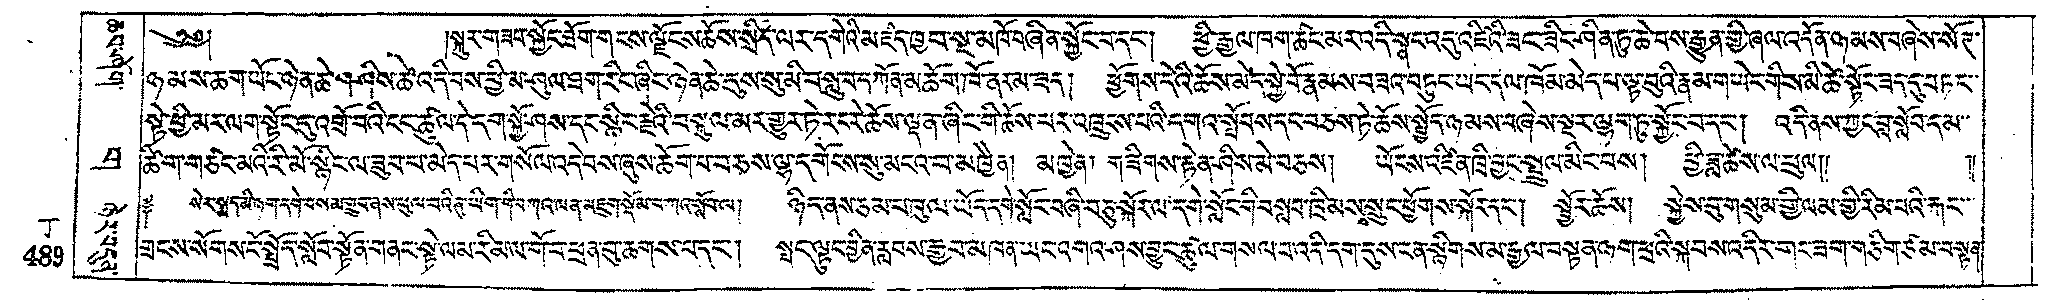༄༅། །སྐུར་གཟབ་སྐྱོང་ཐོག་གངས་ལྷོངས་ཆོས་སྲིད་ལར་དགེའི་མཛད་ཁྱབ་སྔ་མཁོ་བཞིན་སྐྱོང་བ་དང་། ཕྱི་རྒྱལ་ཁག་ཚང་མར་འདི་སྣང་འདུ་འཛིའི་ཟང་ཟིང་ཤིན་ཏུ་ཆེ་བས་རྒྱུན་གྱི་ཞལ་འདོན་ཉམས་བཞེས་སོཊ་
ཉམས་ཆག་ཡོང་ཉེན་ཆེ་གཤིས་ཚེ་འདི་བས་ཕྱི་མ་ཤུལ་ཐག་རིང་ཞིང་ཉིན་ཆེ་དུས་སུ་མི་བསླུ་བ་དོན་མཆོག་ཁོ་ནར་མ་ཟད། ཕྱོགས་དེའི་ཆོས་མེད་སྐྱེ་བོ་རྣམས་བཟའ་བཏུང་ཡང་དལ་ཁོམ་མེད་པ་ལྟ་བུའི་རྣམ་གཡེང་གིས་མི་ཚེ་སྟོང་ཟད་དུ་བཏང་་་
སྟེ་ཕྱི་མར་ལག་སྟོང་དུ་འགྲོ་བའི་ངང་ཚུལ་དེ་དག་སྐྱོ་ཤས་དང་སྙིང་རྗེའི་བསྐུལ་མར་གྱུར་ཏེ་རང་རེ་ཆོས་ལྡན་ཞིང་གི་ཆོས་པར་འཁྲུངས་པའི་དགའ་སྤོབས་དང་བཅས་ཏེ་ཆོས་སྤྱོད་ཉམས་བཞེས་སྔར་ལྷག་ཏུ་སྐྱོང་བ་དང་། འདི་ནས་ཀྱང་ལྦ་སློབ་དམ་་་
ཚིག་གཙང་མའི་རི་མོ་སྙིང་ལ་ཟུབ་པ་མེད་པར་གསོལ་འདེབས་ཞུས་ཆོག་པ་བཅུས་ལྷ་དགོངས་སུ་མངའ་བ་མཁྱཻན། མཁྱེན། གཟིགས་རྟེན་
ཤིས་མེ་བཅས། ཡོངས་འཛིན་ཁྲི་བྱང་སྤྲུལ་མིང་པས། ཕྱི་ཟླ་ཚེས་ལ་ཕུལ།། །།
འ་སེར་སྨད་མི་ཉག་དགེ་བསམ་གྲུབ་ནས་ཕུལ་བའི་ཞུ་ཡིག་གི་བཀའ་ལན་མཇུག་སྡོམ་བཀའ་སློབ་ལ།  ཉིད་ནས་ཅམ་པ་ཁུལ་ཡོད་དགེ་སློང་བཞི་བཅུ་སྐོར་ལ་དགེ་སློང་གི་བསླབ་ཁྲིམས་སྲུང་ཕྱོགས་སྐོར་དང་། སྦྱོར་ཆོས། སྐྱེས་བུ་གསུམ་གྱི་ལམ་གྱི་རིམ་པའི་རྐང་་་
གྲངས་སོགས་ངོ་སྤྲོད་སློབ་སྟོན་གནང་སྟེ་ལམ་རིམ་ལ་གོ་བ་ཕྲན་བུ་ཆགས་པ་དང་། སྤང་ལྟུང་བྱིན་རླབས་རྒྱབ་མཁན་ཡང་འགའ་ཤས་བྱུང་ཚུལ་གསལ་བ་འདི་དག་དུས་ངན་སྙིགས་མ་རྒྱལ་བསྟན་ཉག་ཕྲའི་སྐབས་འདིར་གང་ཟག་གཅིག་ཙམ་བསྟན་